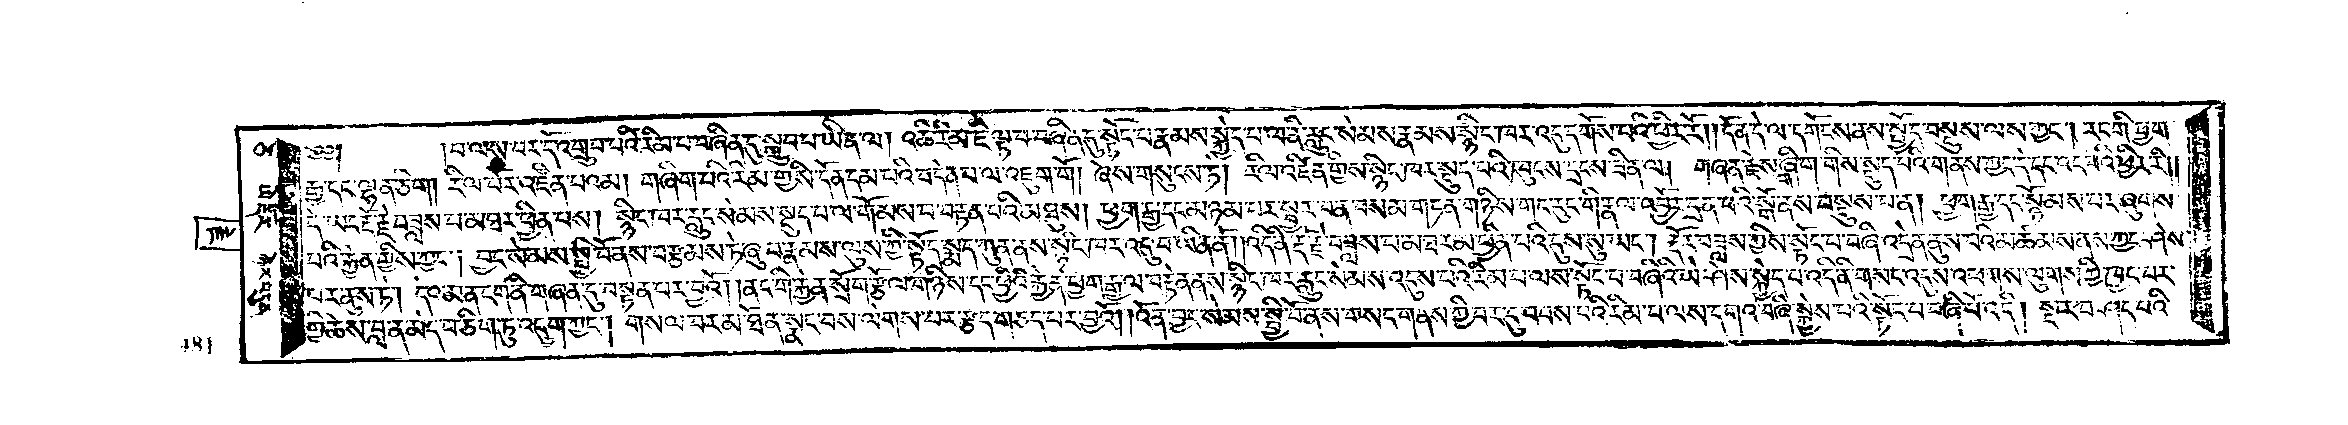༄༅། །པ་ལས་བར་དོ་འགྲུབ་པའི་རིམ་པ་བཞིན་དུ་སྒྲུབ་པ་ཡིན་ལ། འཆི་རིམ་ཇི་ལྟ་བ་བཞིན་དུ་སྟོང་པ་རྣམས་སྐྱེད་པ་ལ་ནི་རླུང་སེམས་རྣམས་སྙིང་ཁར་འདུ་དགོས་པའི་ཕྱིར་རོ། །དོན་དེ་ལ་དགོངས་ནས་སྤྱོད་བསྡུས་ལས་ཀྱང་། རང་གི་ཕྱག་
རྒྱ་དང་ལྷན་ཅིག །རིལ་པོར་འཛིན་པའམ། གཞིག་པའི་རིམ་གྱིས་དོན་དམ་པའི་བདེན་པ་ལ་འཇུག་གོ །ཞེས་གསུངས་ཏེ། རིལ་འཛིན་གྱིས་སྙིང་ཁར་སྡུད་པའི་ཁུངས་དྲངས་ཟིན་ལ། གཞན་རྗེས་གཞིག་གིས་སྡུད་པའི་གནས་ཀྱང་དེ་དང་འདྲ་བའི་ཕྱིར་རོ། །
དེ་ཡང་རྡོ་རྗེ་བཟླས་པ་མཐར་ཕྱིན་པས། སྙིང་ཁར་རླུང་སེམས་སྡུད་པ་ལ་གོམས་པ་བརྟན་པའི་མཐུས། ཕྱག་རྒྱ་དང་མཉམ་པར་སྦྱར་བ་ན་བསམ་གཏན་གཉིས་གང་རུང་གི་རྣལ་འབྱོར་དྲན་པའི་སྒོ་ནས་བསྡུས་པ་ན། ཕྱག་རྒྱ་དང་སྙོམས་པར་ཞུགས་
པའི་རྐྱེན་གྱིས་ཀྱང་། བྱང་སེམས་སྤྱི་བོ་ནས་བརྩམས་ཏེ་ཞུ་བ་རྣམས་ལུས་ཀྱི་སྟོད་སྨད་ཀུན་ནས་སྙིང་ཁར་འདུ་བ་ཡིན་ནོ། །འདི་ནི་རྡོ་རྗེ་བཟླས་པ་མཐར་མ་ཕྱིན་པའི་དུས་སུ་ཡང་། རྡོར་བཟླས་ཀྱིས་སྟོང་པ་བཞི་འདྲེན་ནུས་པའི་མཚམས་ནས་ཀྱང་ཤེས་
པར་ནུས་ཏེ། དེའི་མན་ངག་ནི་གཞན་དུ་བསྟན་པར་བྱའོ། །ནང་གི་རྐྱེན་སྲོག་རྩོལ་གཉིས་དང་ཕྱིའི་རྐྱེན་ཕྱག་རྒྱ་ལ་བརྟེན་ནས་སྙིང་ཁར་རླུང་སེམས་འདུས་པའི་རིམ་པ་ལས་སྟོང་པ་བཞིའི་ཡེ་ཤེས་སྐྱེད་པ་འདི་ནི་གསང་འདུས་འཕགས་ལུགས་ཀྱི་ཁྱད་པར་
གྱི་ཆོས་བླ་ན་མེད་པ་ཅིག་ཏུ་འདུག་ཀྱང་། གསལ་བར་མ་ཐོན་སྣང་བས་ལེགས་པར་རྩད་གཅད་པར་བྱའོ། །འོ་ན་བྱང་སེམས་སྤྱི་བོ་ནས་གསང་གནས་ཀྱི་བར་དུ་བབས་པའི་རིམ་པ་ལས་དགའ་བཞི་སྐྱེས་པའི་སྟོང་པ་བཞི་པོ་འདི། སྔར་བཤད་པའི་